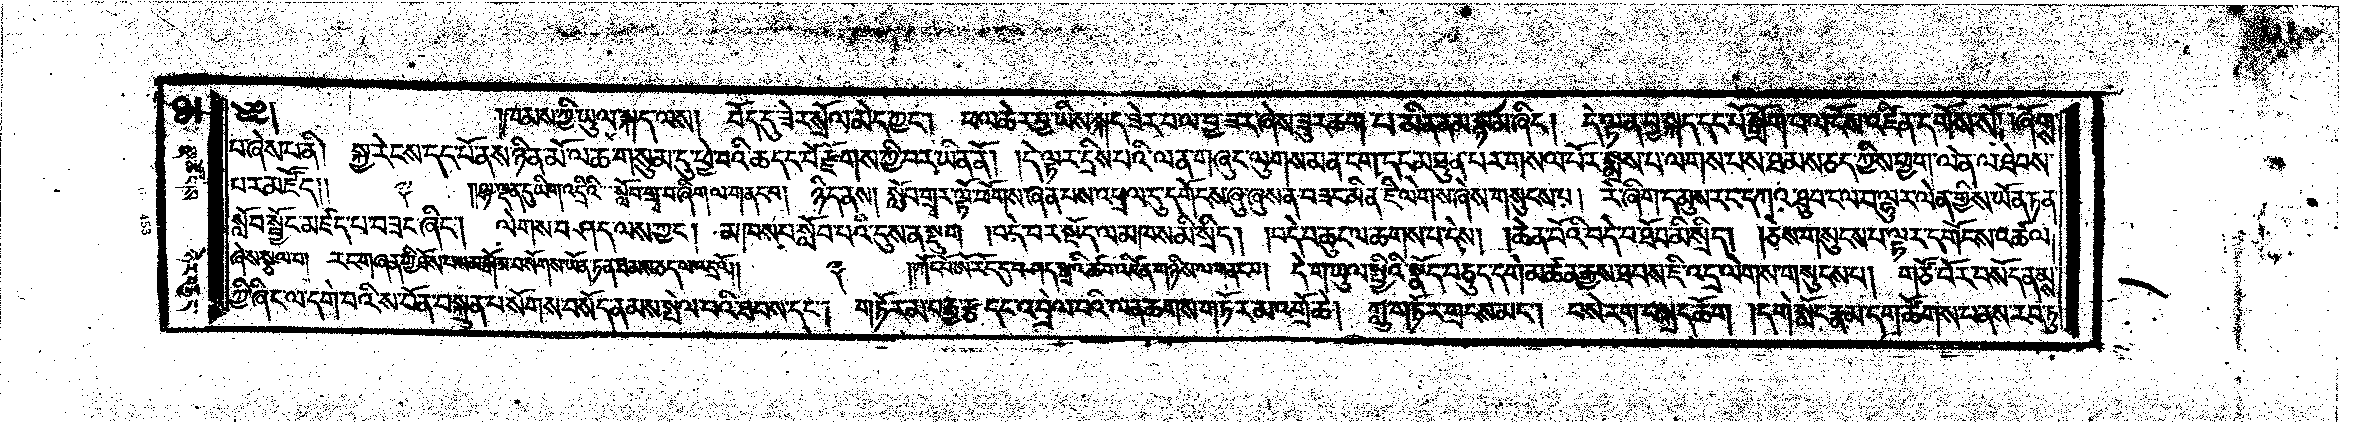༄༅། །ཁམས་ཀྱི་ཡུལ་སྐད་ལས། བོད་དུ་ཟེར་སྲོལ་མེད་ཀྱང་། ཕལ་ཆེར་བྱ་ཡིས་སྐད་ཟེར་བ་ལ་བྱ་ཟར་ཞེས་ཟུར་ཆག་པ་མིན་ནམ་སྙམ་ཞིང་། དེ་ལྟ་ན་བྱ་སྐད་དང་པོ་སྒྲོག་པ་ལ་ངོས་འཛིན་དགོས་སོ། །ཞོགས་
པ་ཞེས་པ་ནི། སྐྱ་རེངས་དང་པོ་ནས་ཉིན་མོ་ལ་ཆ་གསུམ་དུ་ཕྱེ་བའི་ཆ་དང་བོ་རྫོགས་ཀྱི་བར་ཡིན་ནོ། །དེ་ལྟར་དྲིས་པའི་ལན་གཞུང་ལུགས་མན་ངག་དང་མཐུན་པར་གསལ་པོར་སྨྲས་པ་ལགས་པས་ཐམས་ཅད་ཀྱིས་ཕྱག་ལེན་ལ་ཐེབས་
པར་མཛོད།། ༈ །།ལྷ་ལྡན་དུ་ཡིག་འདྲིའི་སློབ་གྲྭ་བ་ཞིག་ལ་གནང་བ།  ཉིད་ནས། སློབ་གྲྭར་ལྟོ་ཕྱོགས་ཞན་པས་འཕྲལ་དུ་དགོངས་ཞུ་ཞུས་ན་བཟང་མིན་ཇི་ལེགས་ཞེས་གསུངས་པ། རི་ཞིག་དམུས་རང་དཀའ་ཐུབ་ངལ་བ་ལྷུར་ལེན་གྱིས་ཡོན་ཏན་
སློབ་སྦྱོང་མཛད་པ་བཟང་ཞིང་། ལེགས་བཤད་ལས་ཀྱང་། མཁས་པ་སློབ་པའི་དུས་ན་སྡུག །བདེ་བར་སྡོད་ལ་མཁས་མི་སྲིད། །བདེ་བ་ཆུང་ལ་ཆགས་པ་དེས། །ཆེན་པོའི་བདེ་བ་ཐོབ་མི་སྲིད། །ཅེས་གསུངས་པ་ལྟར་དགོངས་འཆོལ་
ཞེས་སྩལ་བ། རང་གཞན་གྱི་ཐོས་བསམ་སྒོམ་པ་སོགས་ཡོན་ཏན་ཐམས་ཅད་ལ་འདྲའོ།། ༈ །།ཀོང་པོ་ཨོ་རོང་དུ་བཤད་སྒྲའི་ཚབ་འཛིན་གཉིས་ལ་གནང་བ།  དེ་གཡུལ་སྤྱིའི་སྣོད་བཅུད་དགེ་མཚན་རྒྱས་ཐབས་ཇི་འདྲ་ལེགས་གསུངས་པ། གཙོ་བོར་བསོད་ནམས་
ཀྱི་ཞིང་ལ་དགེ་བའི་ས་བོན་བསྐྲུན་པ་སོགས་བསོད་ནམས་སྤེལ་བའི་ཐབས་དང་། གཏོར་མ་བརྒྱ་རྩ་དང་འབྲེལ་བའི་ལན་ཆགས་གཏོར་མ་འགྲོ་ཆེ། ཀླུ་གཏོར་གྲངས་མང་། བསེ་རག་བསྐྲད་ཆོག །དགེ་སློང་རྣམ་དག་ཚོགས་པ་ནས་རབ་ཏུ་